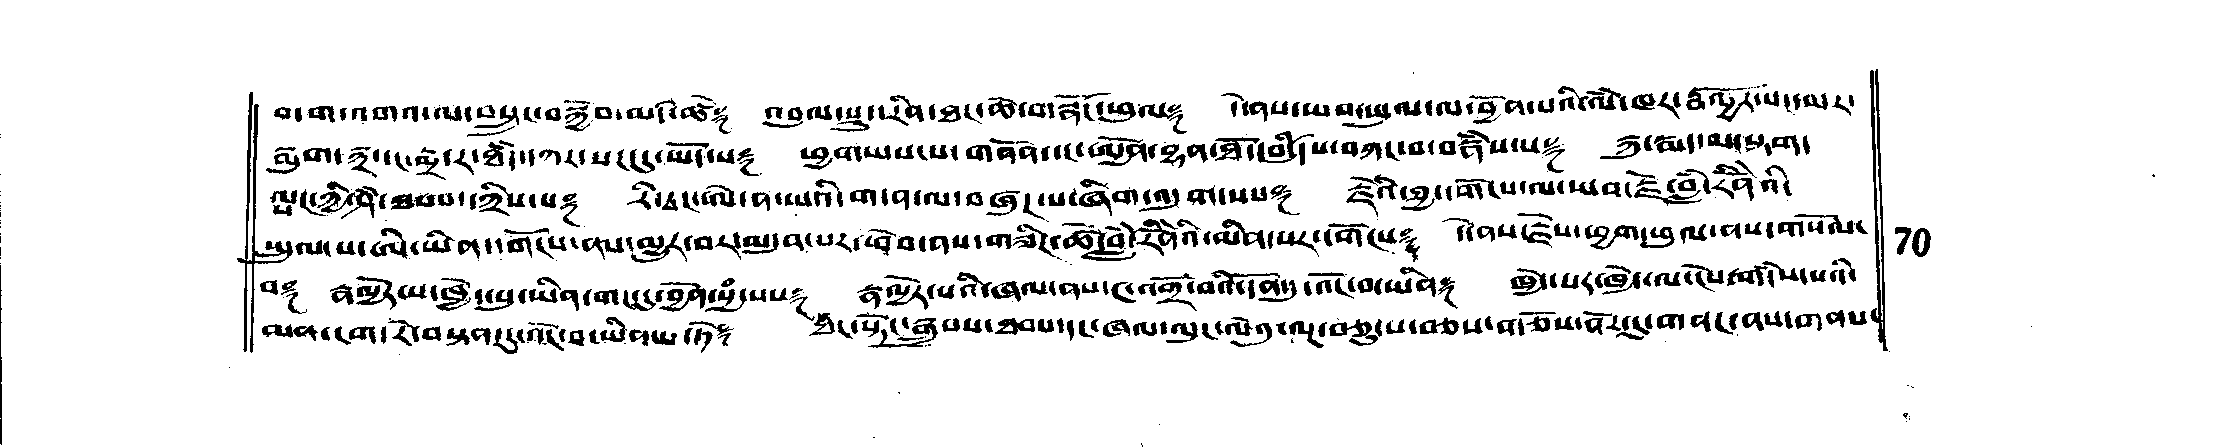བདག་འགའ་ལ་སྲུང་སྐྱོབ་མཛད་ཚེ། འབུལ་སྡུད་རིན་ཐང་ཆེ་བ་སྣ་ཚོགས་ཕུལ། དེ་ནས་ཡབ་ཡུམ་ལ་བྱོན་པའི་ལམ་ཁར་རྣལ་འབྱོར་པ་དམར་
སྨུག་སྐྲ་དང་སྨྲ་ར་ཐམས་ཅད་དཀར་སང་དུ་ཡོད་པ། ཕྱག་གཡས་ས་གནོན་དང་གཡོན་ཨོ་རྒྱན་བྷན་ཐོད་བདུད་རྩིས་བཀང་བ་བསྣམས་པ། སྐུ་སྨད་ལ་སྟག་
ལྤགས་ཀྱི་ཤམ་ཐབས་དཀྲིས་པ། རི་དྭགས་ཨེ་ན་ཡའི་གདན་ལ་བཞུགས་པ་ཞིག་འདུག་པས། རྗེའི་ཐུགས་དགོངས་ལ་ཡབ་རྗེ་བླ་མ་རིན་པོ་ཆེའི་
སྤྲུལ་པ་ཨི་ཡིན་དགོངས་ནས་མྱུར་བར་མདུན་སར་ཕེབས་ནས་གཟིགས་ཚེ་བླ་མ་རིན་པོ་ཆེའི་མིན་པར་དགོངས། དེ་ནས་རྗེས་ཕྱག་ཕུལ་ནས་གསོལ་
བ། རྣལ་འབྱོར་པ་ཁྱོད་སུ་ཡིན་གང་དུ་བྱོན་གསུངས་པས། རྣལ་འབྱོར་པའི་ཞལ་ནས་ང་འགྲོ་བའི་དོན་དུ་འོང་བ་ཡིན། ཁྱད་པར་ཁྱེད་ལ་ངས་གདམས་པའི་
མན་ངག་རེ་བསྟན་དུ་འོང་བ་ཡིན་པ་སྟེ། ཐང་སྟོང་སྒྲུབ་ཐབས་དང་ཞལ་ལུང་ལེའུ་ལྔ་བཅུ་པ་བཅས་གཅེས་ནོར་དུ་གནང་ནས་གནས་